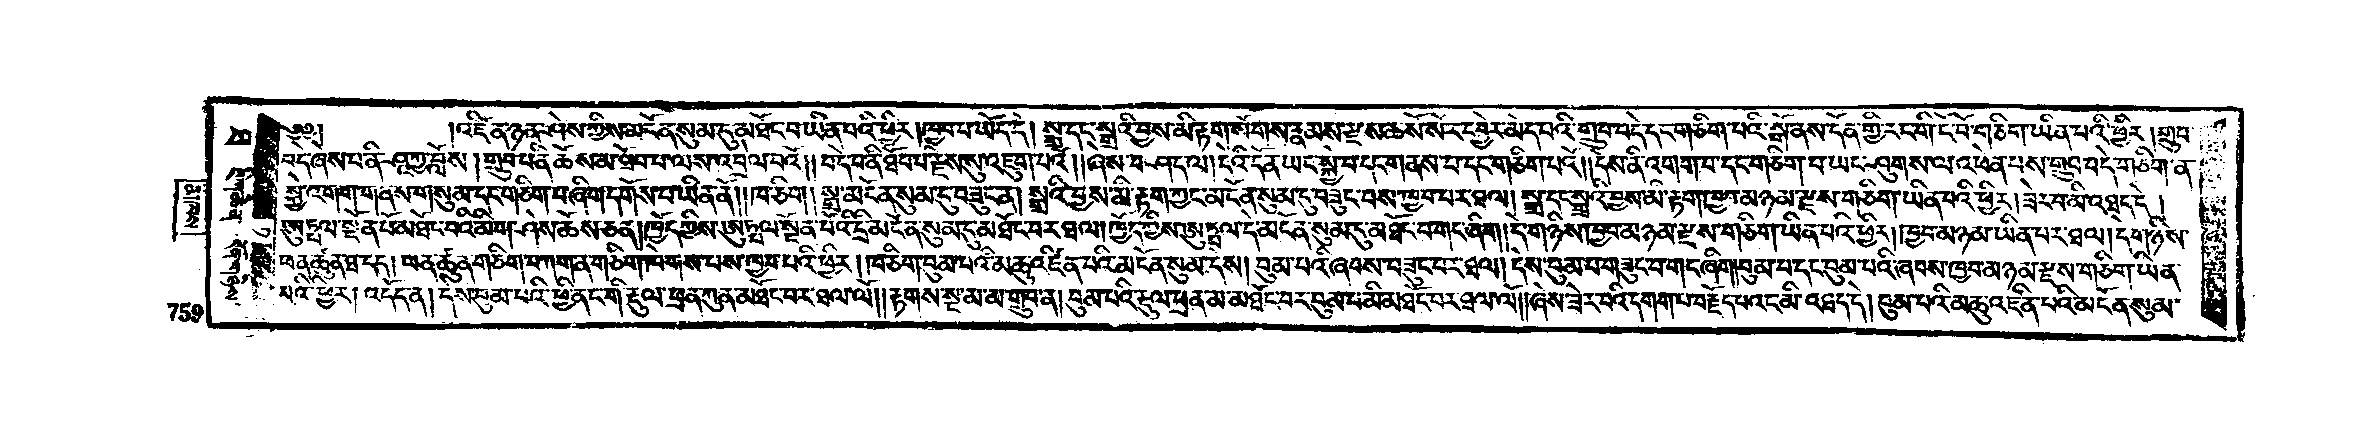༄༅། །འཛིན་ཉན་ཤེས་ཀྱིས་མངོན་སུམ་དུ་མཐོང་བ་ཡིན་པའི་ཕྱིར། ཁྱབ་པ་ཡོད་དེ། སྒྲ་དང་སྒྲའི་བྱས་མི་རྟག་སོགས་རྣམས་རྫས་ཆ་སོ་སོར་དབྱེར་མེད་པའི་གྲུབ་བདེ་དང་གཅིག་པའི་སྒོ་ནས་དོན་གྱི་རང་གི་ངོ་བོ་གཅིག་ཡིན་པའི་ཕྱིར། གྲུབ་
བདེ་ཞེས་པ་ནི་ཤཱཀྱ་བློས། གྲུབ་པ་ནི་ཆོས་མ་ཐོབ་པ་ལས་འབྲེལ་བའོ། །བདེ་བ་ནི་ཐོབ་པ་རྗེས་སུ་འཇུག་པའོ། །ཞེས་བཤད་ལ། དེའི་དོན་ཡང་སྐྱེ་བ་དང་གནས་པ་དང་གཅིག་པའོ། །དེས་ནི་འགག་པ་དང་གཅིག་པ་ཡང་ཤུགས་ལ་འཕེན་པས་གྲུབ་བདེ་གཅིག་ན་
སྐྱེ་འགག་གནས་གསུམ་དང་གཅིག་པ་ཞིག་དགོས་པ་ཡིན་ནོ། །ཁ་ཅིག། སྒྲ་མངོན་སུམ་དུ་བཟུང་ན། སྒྲའི་བྱས་མི་རྟག་ཀྱང་མངོན་སུམ་དུ་བཟུང་བས་ཁྱབ་པར་ཐལ། སྒྲ་དང་སྒྲའི་བྱས་མི་རྟག་ཁྱབ་མཉམ་རྫས་གཅིག་ཡིན་པའི་ཕྱིར། ཟེར་བ་མི་འཐད་དེ།
ཨུཏྤལ་སྔོན་པོ་མཐོང་བའི་མིག་ཤེས་ཆོས་ཅན། ཁྱོད་ཀྱིས་ཨུཏྤལ་སྔོན་པོའི་དྲི་མངོན་སུམ་དུ་མཐོང་བར་ཐལ། ཁྱོད་ཀྱིས་ཨུཏྤལ་དེ་མངོན་སུམ་དུ་མཐོང་བ་གང་ཞིག །དེ་གཉིས་ཁྱབ་མཉམ་རྫས་གཅིག་ཡིན་པའི་ཕྱིར། ཁྱབ་མཉམ་ཡིན་པར་ཐལ། དེ་གཉིས་
ཕན་ཚུན་ཐ་དད། ཕན་ཚུན་གཅིག་བཀག་ན་གཅིག་ཁེགས་པས་ཁྱབ་པའི་ཕྱིར། ཁ་ཅིག་བུམ་པའི་མཆུ་འཛིན་པའི་མངོན་སུམ་དེས། བུམ་པའི་ཞབས་བཟུང་བར་ཐལ། དེས་བུམ་པ་གཟུང་བ་གང་ཞིག །བུམ་པ་དང་བུམ་པའི་ཞབས་ཁྱབ་མཉམ་རྫས་གཅིག་ཡིན་
པའི་ཕྱིར། འདོད་ན། དེས་བུམ་པའི་ཕྱི་ནང་གི་རྡུལ་ཕྲན་ཀུན་མཐོང་བར་ཐལ་ལོ། །རྟགས་སྔ་མ་མ་གྲུབ་ན། བུམ་པའི་རྡུལ་ཕྲན་མ་མཐོང་བར་བུམ་པ་མི་མཐོང་བར་ཐལ་ལོ། །ཞེས་ཟེར་བའི་དགག་པ་བརྗོད་པའང་མི་འཐད་དེ། བུམ་པའི་མཆུ་འཛིན་པའི་མངོན་སུམ་